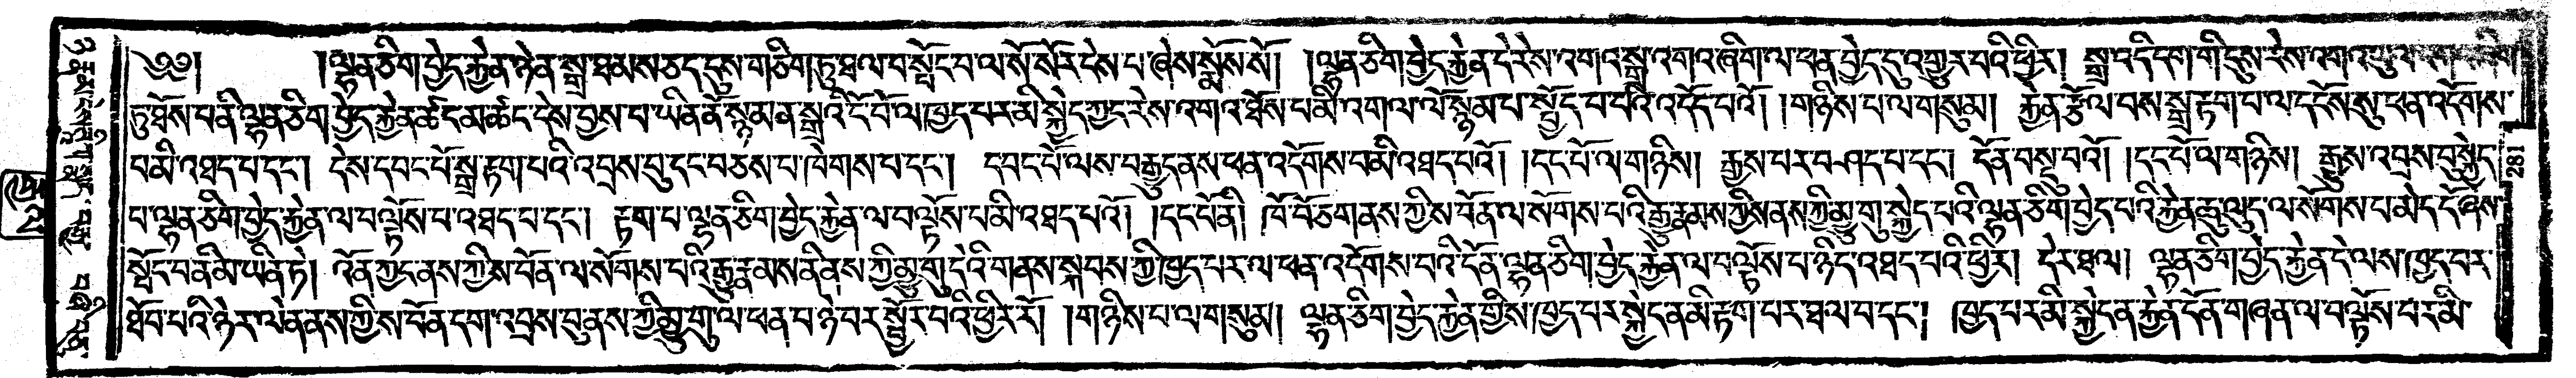༄༅། །ལྷན་ཅིག་བྱེད་རྐྱེན་ཉེན་སྒྲ་ཐམས་ཅད་དུས་གཅིག་ཏུ་ཐལ་བ་སྤོང་བ་ལ་སོ་སོར་ངེས་པ་ཞེས་སྨོས་སོ། །ལྷན་ཅིག་བྱེད་རྐྱེན་དེ་རེས་འགའ་སྒྲ་འགའ་ཞིག་ལ་ཕན་བྱེད་དུ་འགྱུར་བའི་ཕྱིར། སྒྲ་འདི་དག་གི་དུས་རེས་འགའ་ཡུལ་འགའ་ཞིག་
ཏུ་ཐོས་པ་ནི་ལྷན་ཅིག་བྱེད་རྐྱེན་ཚང་མ་ཚང་དེས་བྱས་པ་ཡིན་ནོ་སྙམ་ན་སྒྲའི་ངོ་བོ་ལ་ཁྱད་པར་མི་སྐྱེད་ཀྱང་རེས་འགའ་ཐོས་པ་མི་འགལ་ལོ་སྙམ་པ་སྤྱོད་པ་པའི་འདོད་པའོ། །གཉིས་པ་ལ་གསུམ། རྐྱེན་རྩོལ་བས་སྒྲ་རྟག་པ་ལ་དངོས་སུ་ཕན་འདོགས་
པ་མི་འཐད་པ་དང་། དེས་དབང་པོ་སྒྲ་རྟག་པའི་འབྲས་བུ་དང་བཅས་པ་ཁེགས་པ་དང་། དབང་པོ་ལས་བརྒྱུད་ནས་ཕན་འདོགས་པ་མི་འཐད་པའོ། །དང་པོ་ལ་གཉིས། རྒྱས་པར་བཤད་པ་དང་། དོན་བསྡུ་བའོ། །དང་པོ་ལ་གཉིས། རྒྱུས་འབྲས་བུ་སྐྱེད་
པ་ལྷན་ཅིག་བྱེད་རྐྱེན་ལ་བལྟོས་པ་འཐད་པ་དང་། རྟག་པ་ལྷན་ཅིག་བྱེད་རྐྱེན་ལ་བལྟོས་པ་མི་འཐད་པའོ། །དང་པོ་ནི། ཁོ་བོ་ཅག་ནས་ཀྱི་ས་བོན་ལ་སོགས་པའི་རྒྱུ་རྣམས་ཀྱིས་ནས་ཀྱི་མྱུ་གུ་སྐྱེད་པའི་ལྷན་ཅིག་བྱེད་པའི་རྐྱེན་ཆུ་ལུད་ལ་སོགས་པ་མེད་དོ་ཞེས་
སྤོང་བ་ནི་མ་ཡིན་ཏེ། འོན་ཀྱང་ནས་ཀྱི་ས་བོན་ལ་སོགས་པའི་རྒྱུ་རྣམས་ནི་ནས་ཀྱི་མྱུ་གུ་དེའི་གནས་སྐབས་ཀྱི་ཁྱད་པར་ལ་ཕན་འདོགས་པའི་དོན་ལྷན་ཅིག་བྱེད་རྐྱེན་ལ་བལྟོས་པ་ཉིད་འཐད་པའི་ཕྱིར། དེར་ཐལ། ལྷན་ཅིག་བྱེད་རྐྱེན་དེ་ལས་ཁྱད་པར་
ཐོབ་པའི་ཉེར་ལེན་ནས་ཀྱི་ས་བོན་དག་འབྲས་བུ་ནས་ཀྱི་མྱུ་གུ་ལ་ཕན་པ་ཉེ་བར་སྦྱོར་བའི་ཕྱིར་རོ། །གཉིས་པ་ལ་གསུམ། ལྷན་ཅིག་བྱེད་རྐྱེན་གྱིས་ཁྱད་པར་སྐྱེད་ན་མི་རྟག་པར་ཐལ་བ་དང་། ཁྱད་པར་མི་སྐྱེད་ན་རྐྱེན་དོན་གཞན་ལ་བལྟོས་བར་མི་